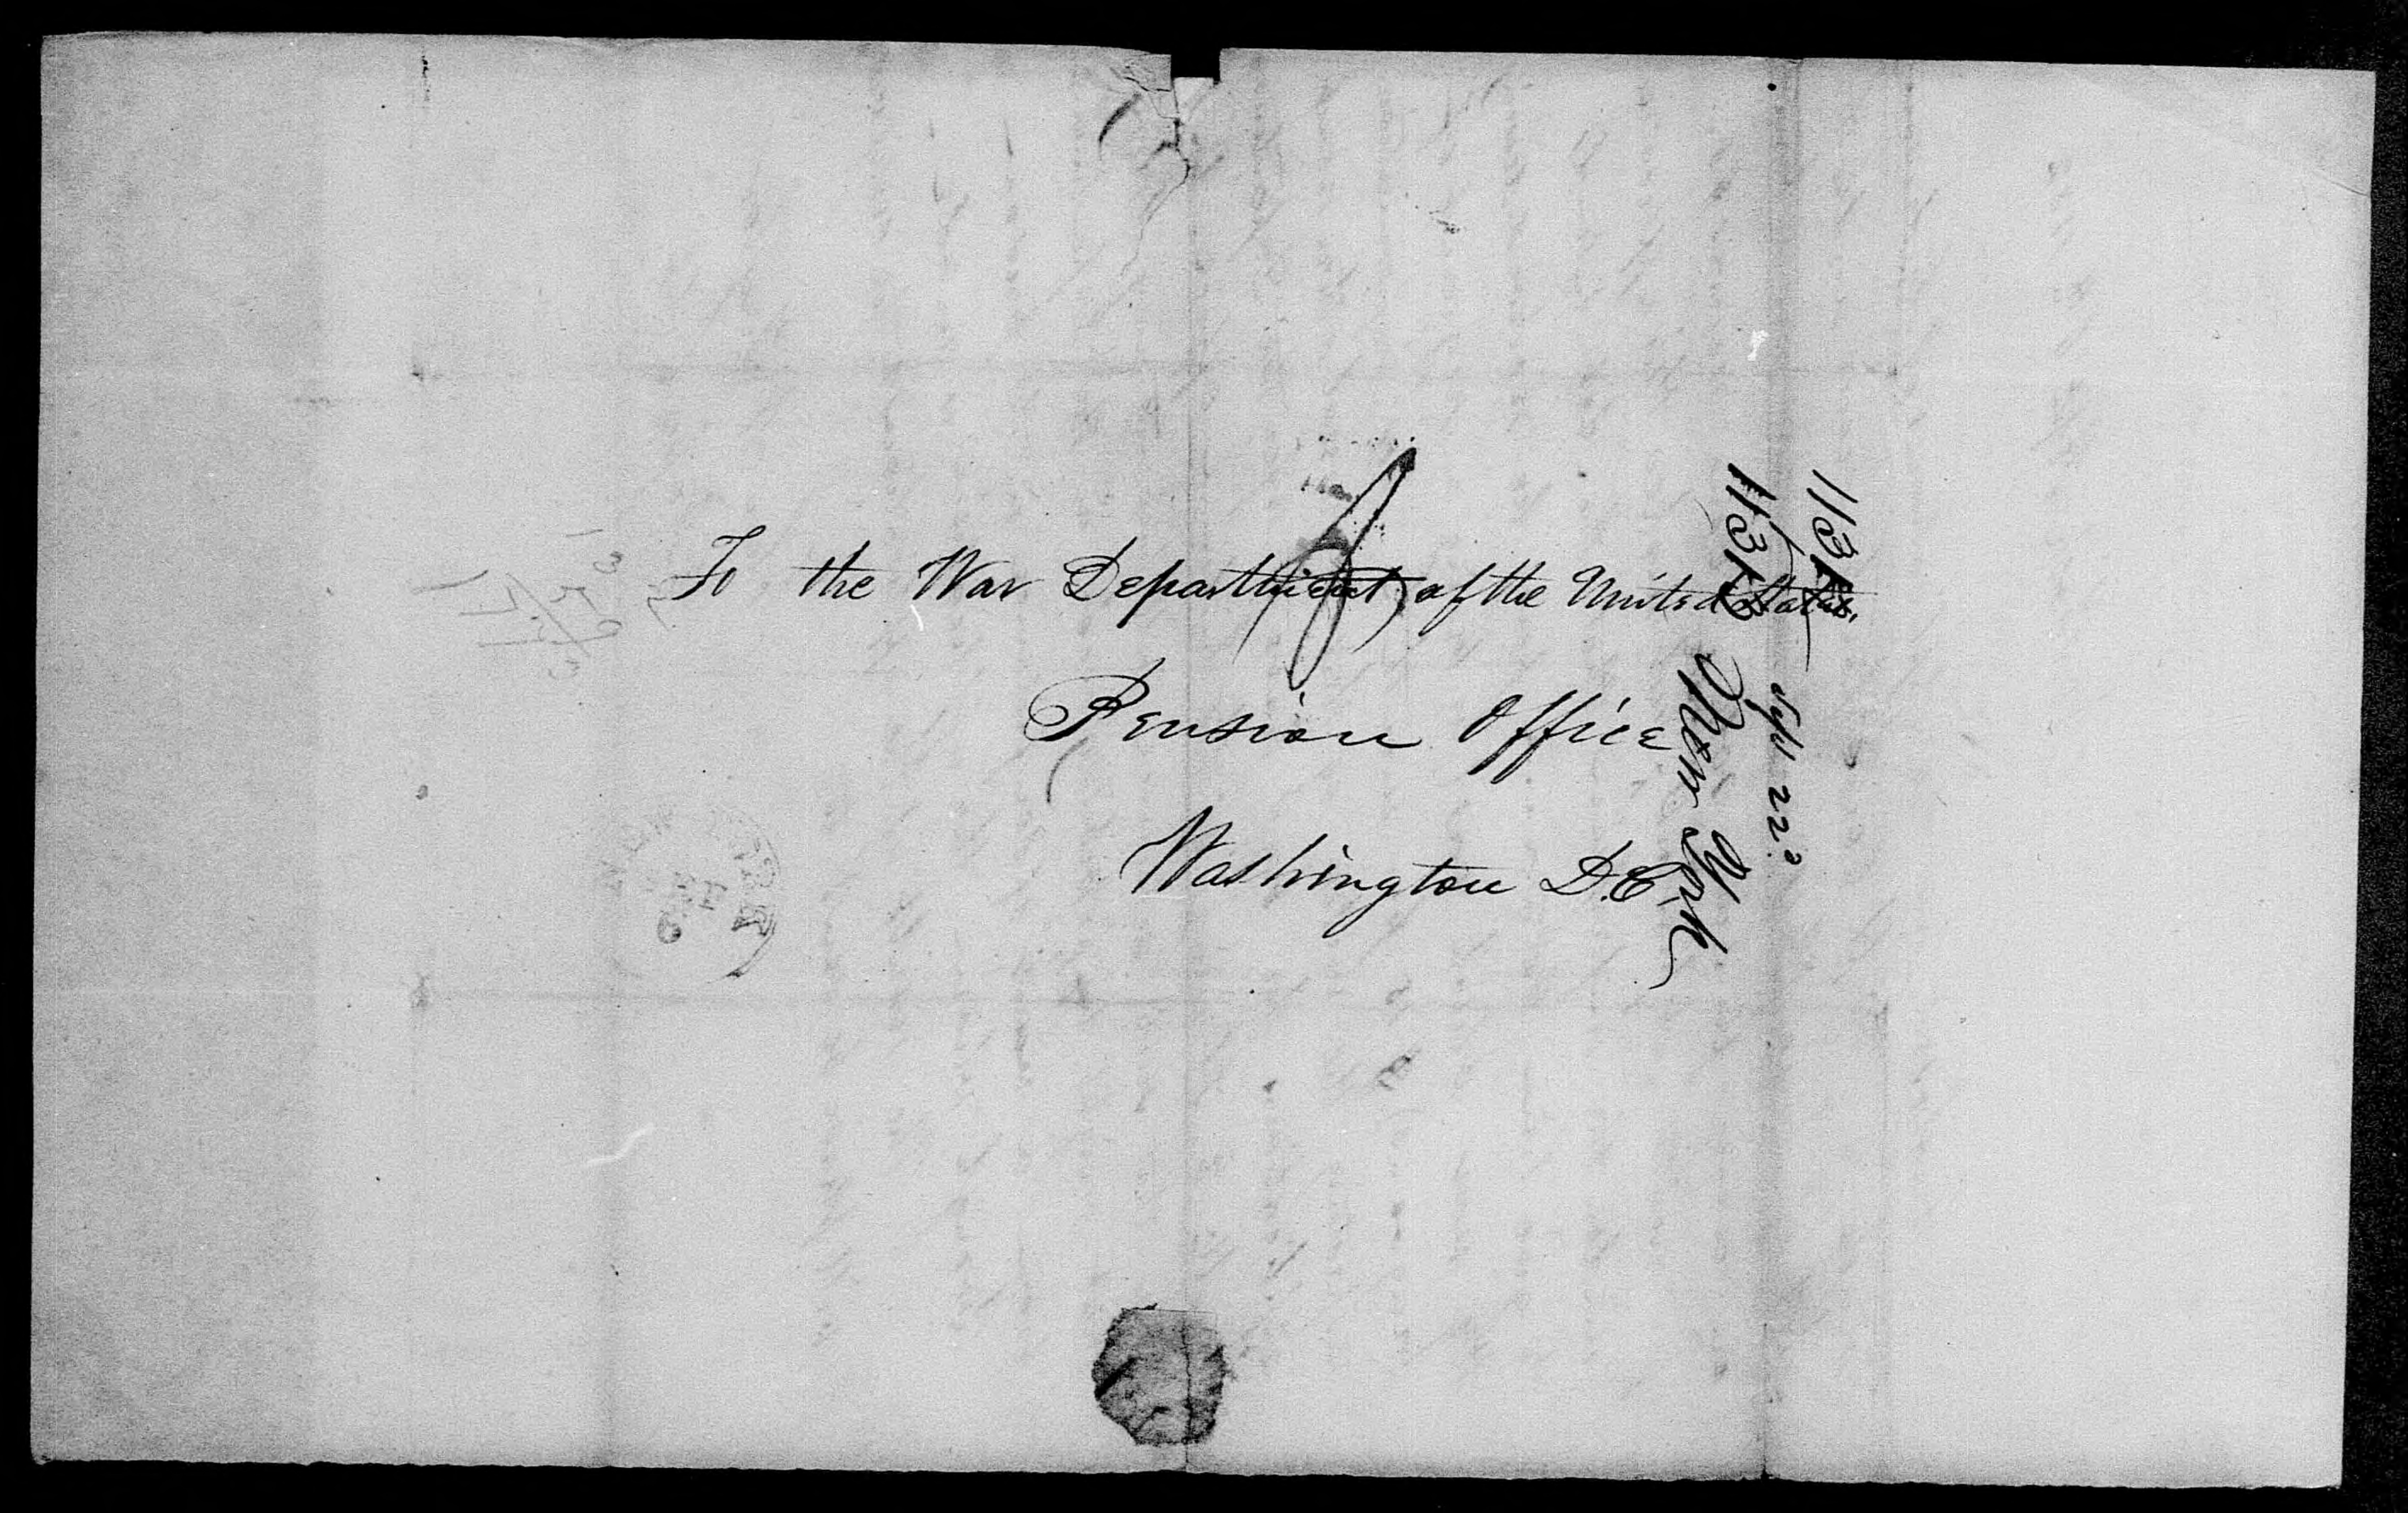To the War Department of the United States
Pension Office
Washington D.C.

[sideways down right side] 11312  Sept 22d.
11313 New York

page: 23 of 28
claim: survivor's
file: S. 12569, Joseph Cone, Conn Continental